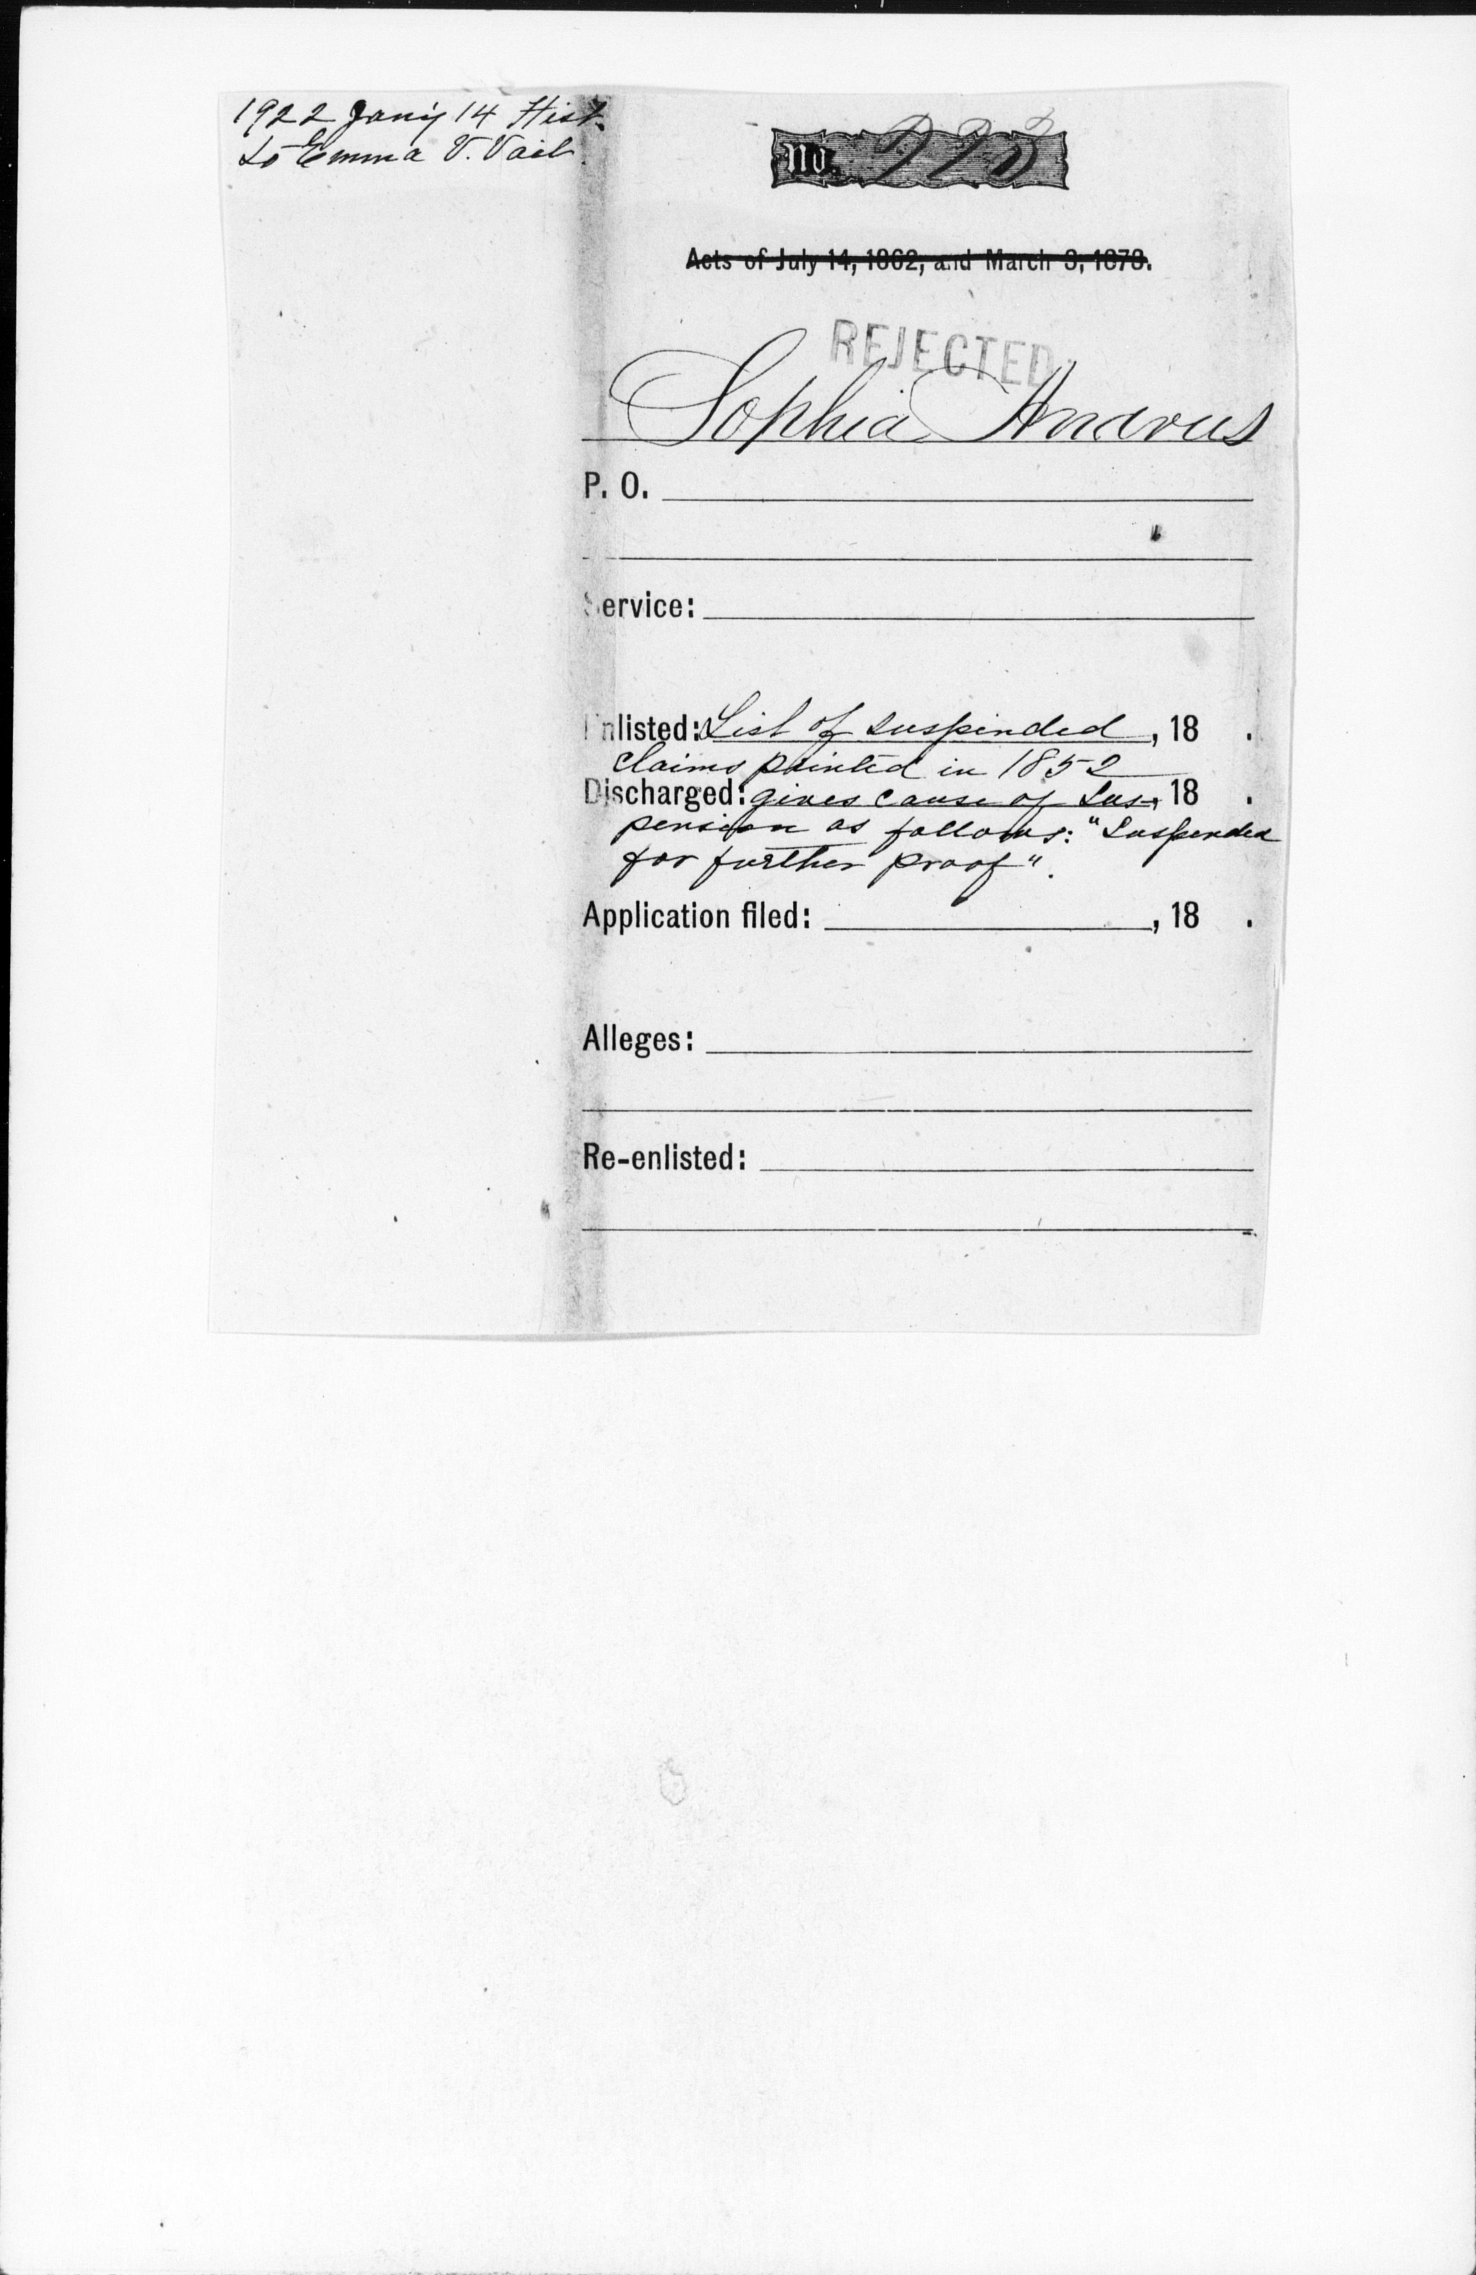1922 Jan.  14 Hist.               No. 225
To Emma V. Vail


[Acts of July 14, 1862, and March 9, 1870]
REJECTED

Sophia Andrews
P. O. __________________________
Service:_______________________
Enlisted: List of suspended, 18
claims is printed in 1852

Discharged: gives cause of Sus-,18
Pension as follows: "Suspended for further proof." 

Application filed:_________________,18
Alleges:_________________________
Re-enlisted:______________________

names: Sophia Andrus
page: 10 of 27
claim: rejected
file: R. 223, Eldad Andrus, Vt.